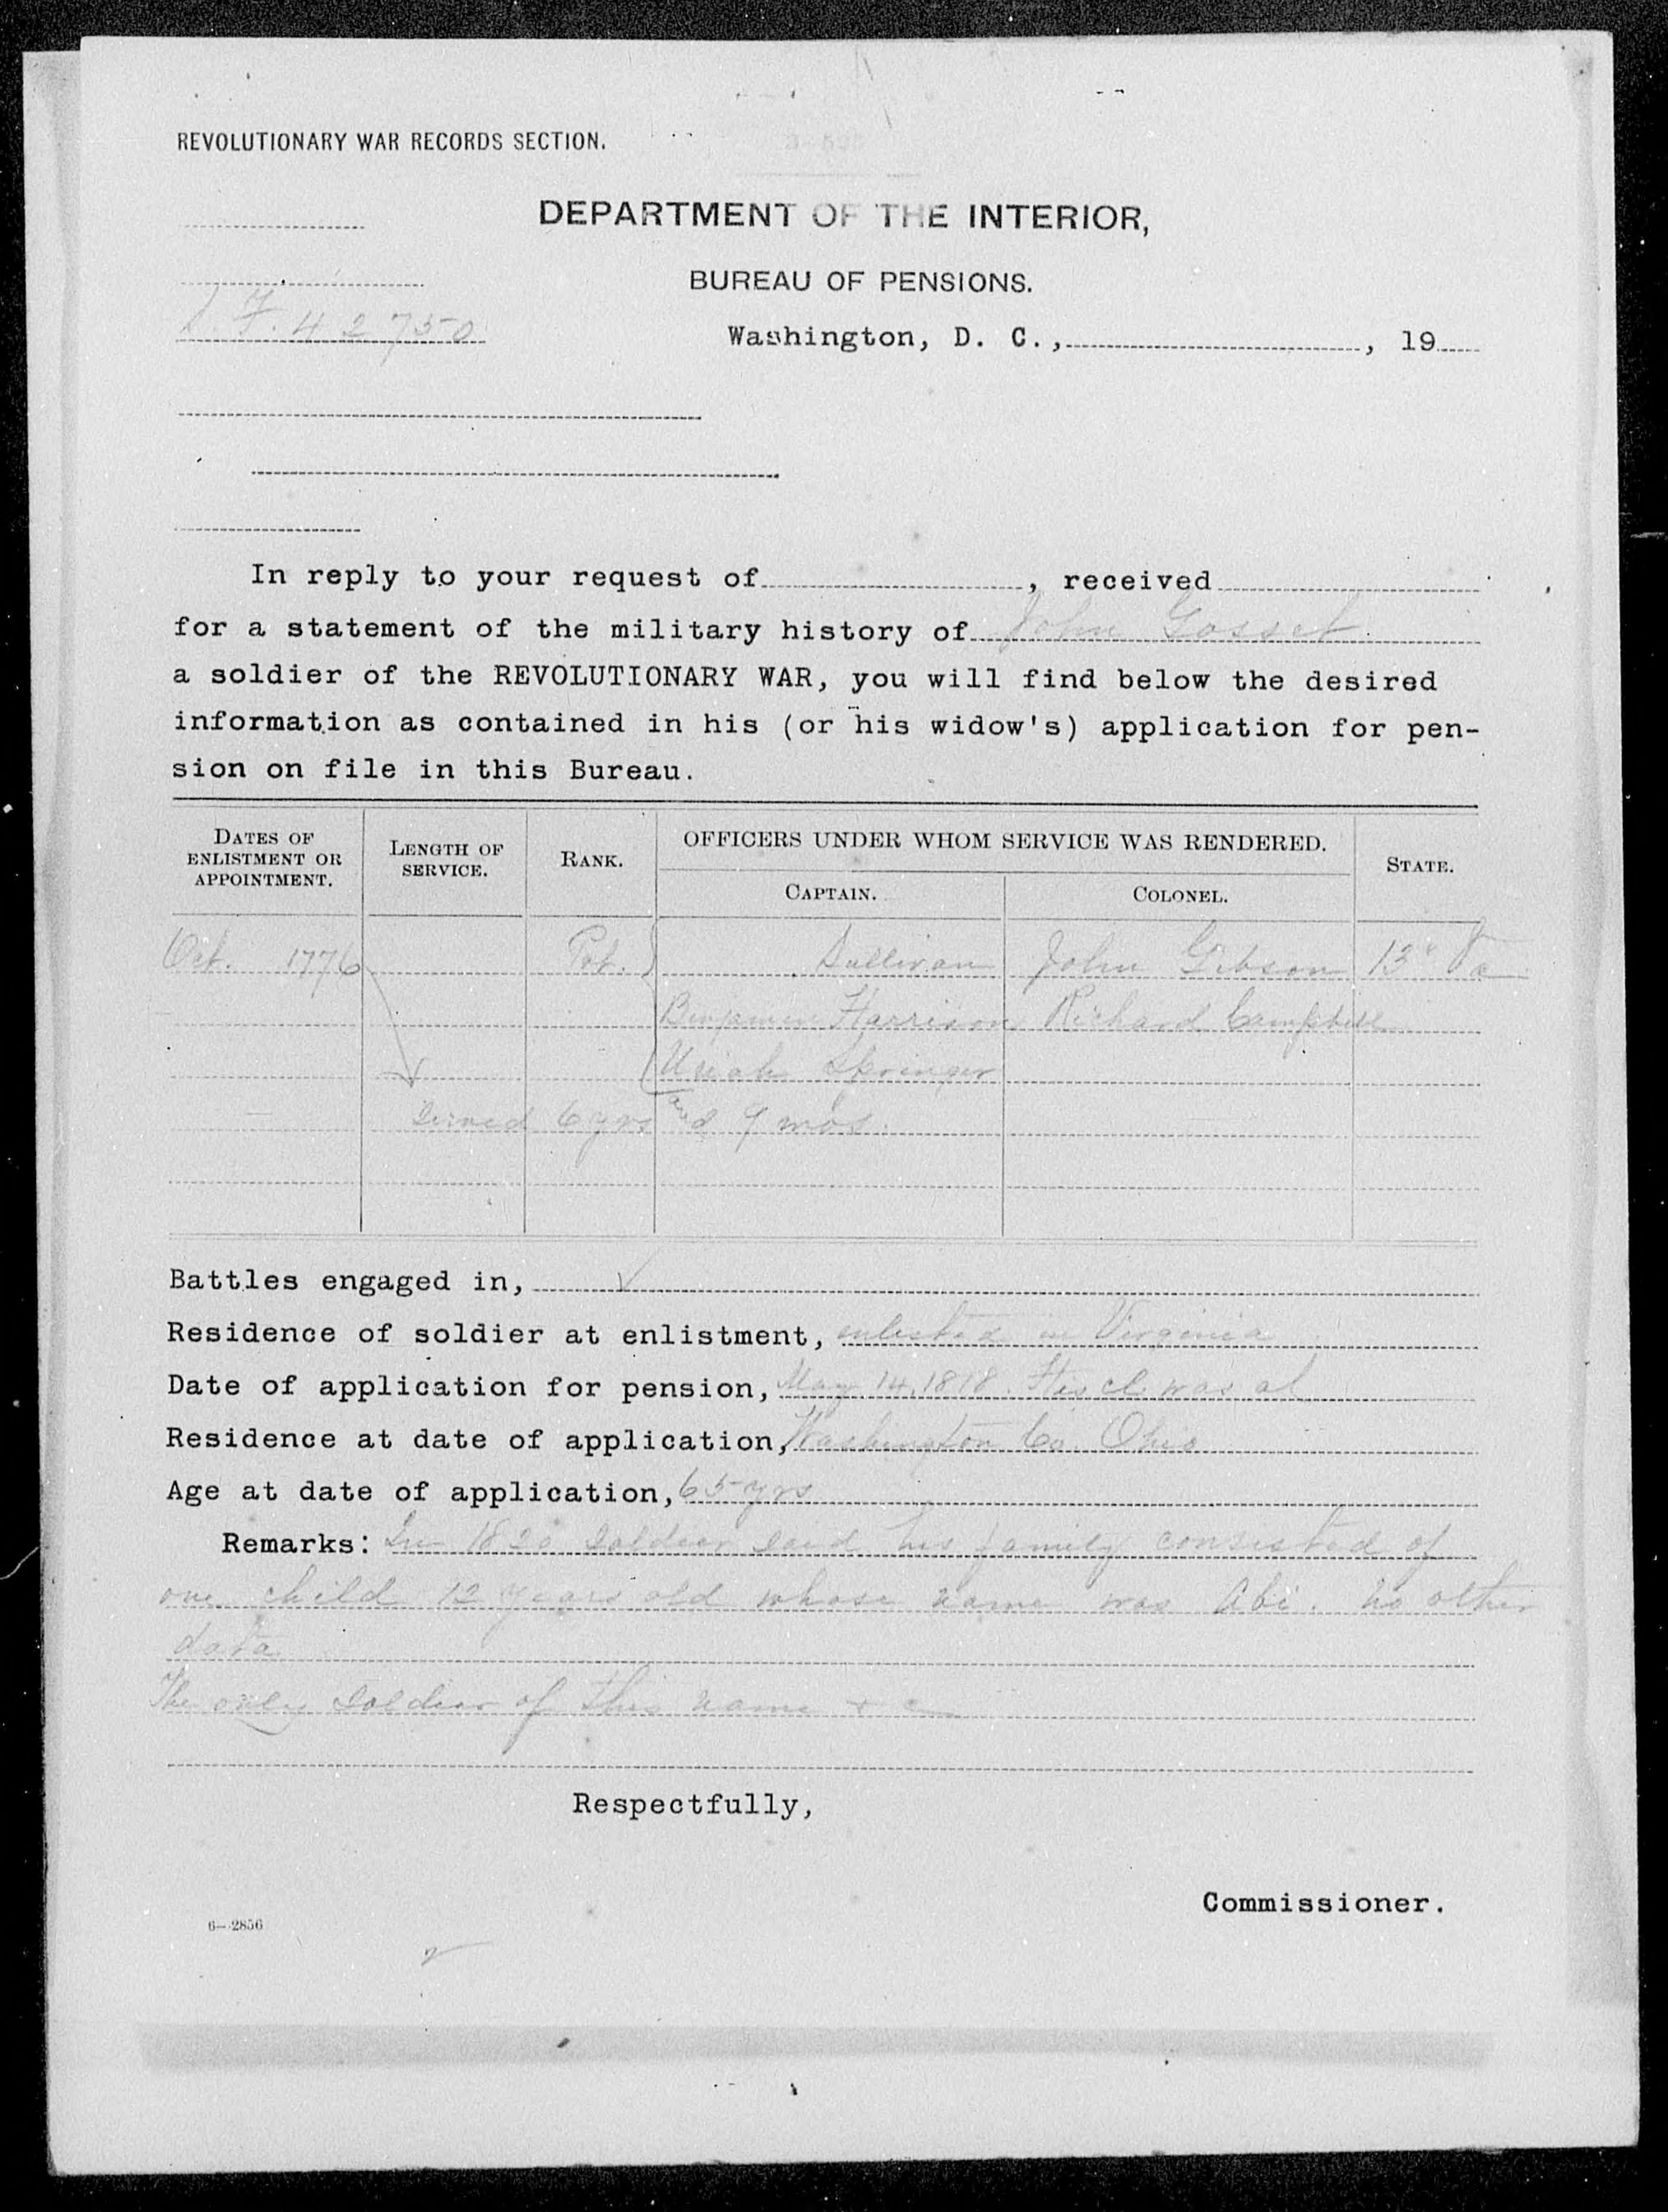REVOLUTIONARY WAR RECORDS SECTION.
[letterhead]
DEPARTMENT OF THE INTERIOR,
BUREAU OF PENSIONS
Washington, D. C., ..., 19...
S. 7.42450
___
In reply to your request of___, received___ for a statement of the military history of John Gosset a soldier of the REVOLUTIONARY WAR, you will find below the desired information as contained in his (or his widow's) application for pension on file in this Bureau.
[list]
DATES OF ENLISTMENT OR APPOINTMENT.
Oct. 1776 |
LENGTH OF SERVICE. 
Served 6 yrs and 9 mos .|
RANK. 
Pvt. |
OFFICERS UNDER WHOM SERVICE WAS RENDERED.
CAPTAIN.
Sullivan
Benjamin Harrison
Uriah Springer |
COLONEL.
John Gibson
Richard Campbell |
STATE.
13th Va
[end list]
Battles engaged in, [check mark]
Residence of soldier at enlistment, enlisted in Virginia
Date of application for pension, May 14 1818. His cl was at
Residence at date of application, Washington Co Ohio
Age at date of application, 65 yrs
Remarks: In 1820 Soldier said his family consisted of one child 12 years old whose name was Abi. his no other data
The only soldier of this name & c
Respectfully, [blank]
Commissioner.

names: Sullivan, Benjamin Harrison, Abi, Richard Campbell, John Gibson, Uriah Springer, John Gosset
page: 10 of 21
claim: survivor's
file: S. 42,750, John Gosset, Va.